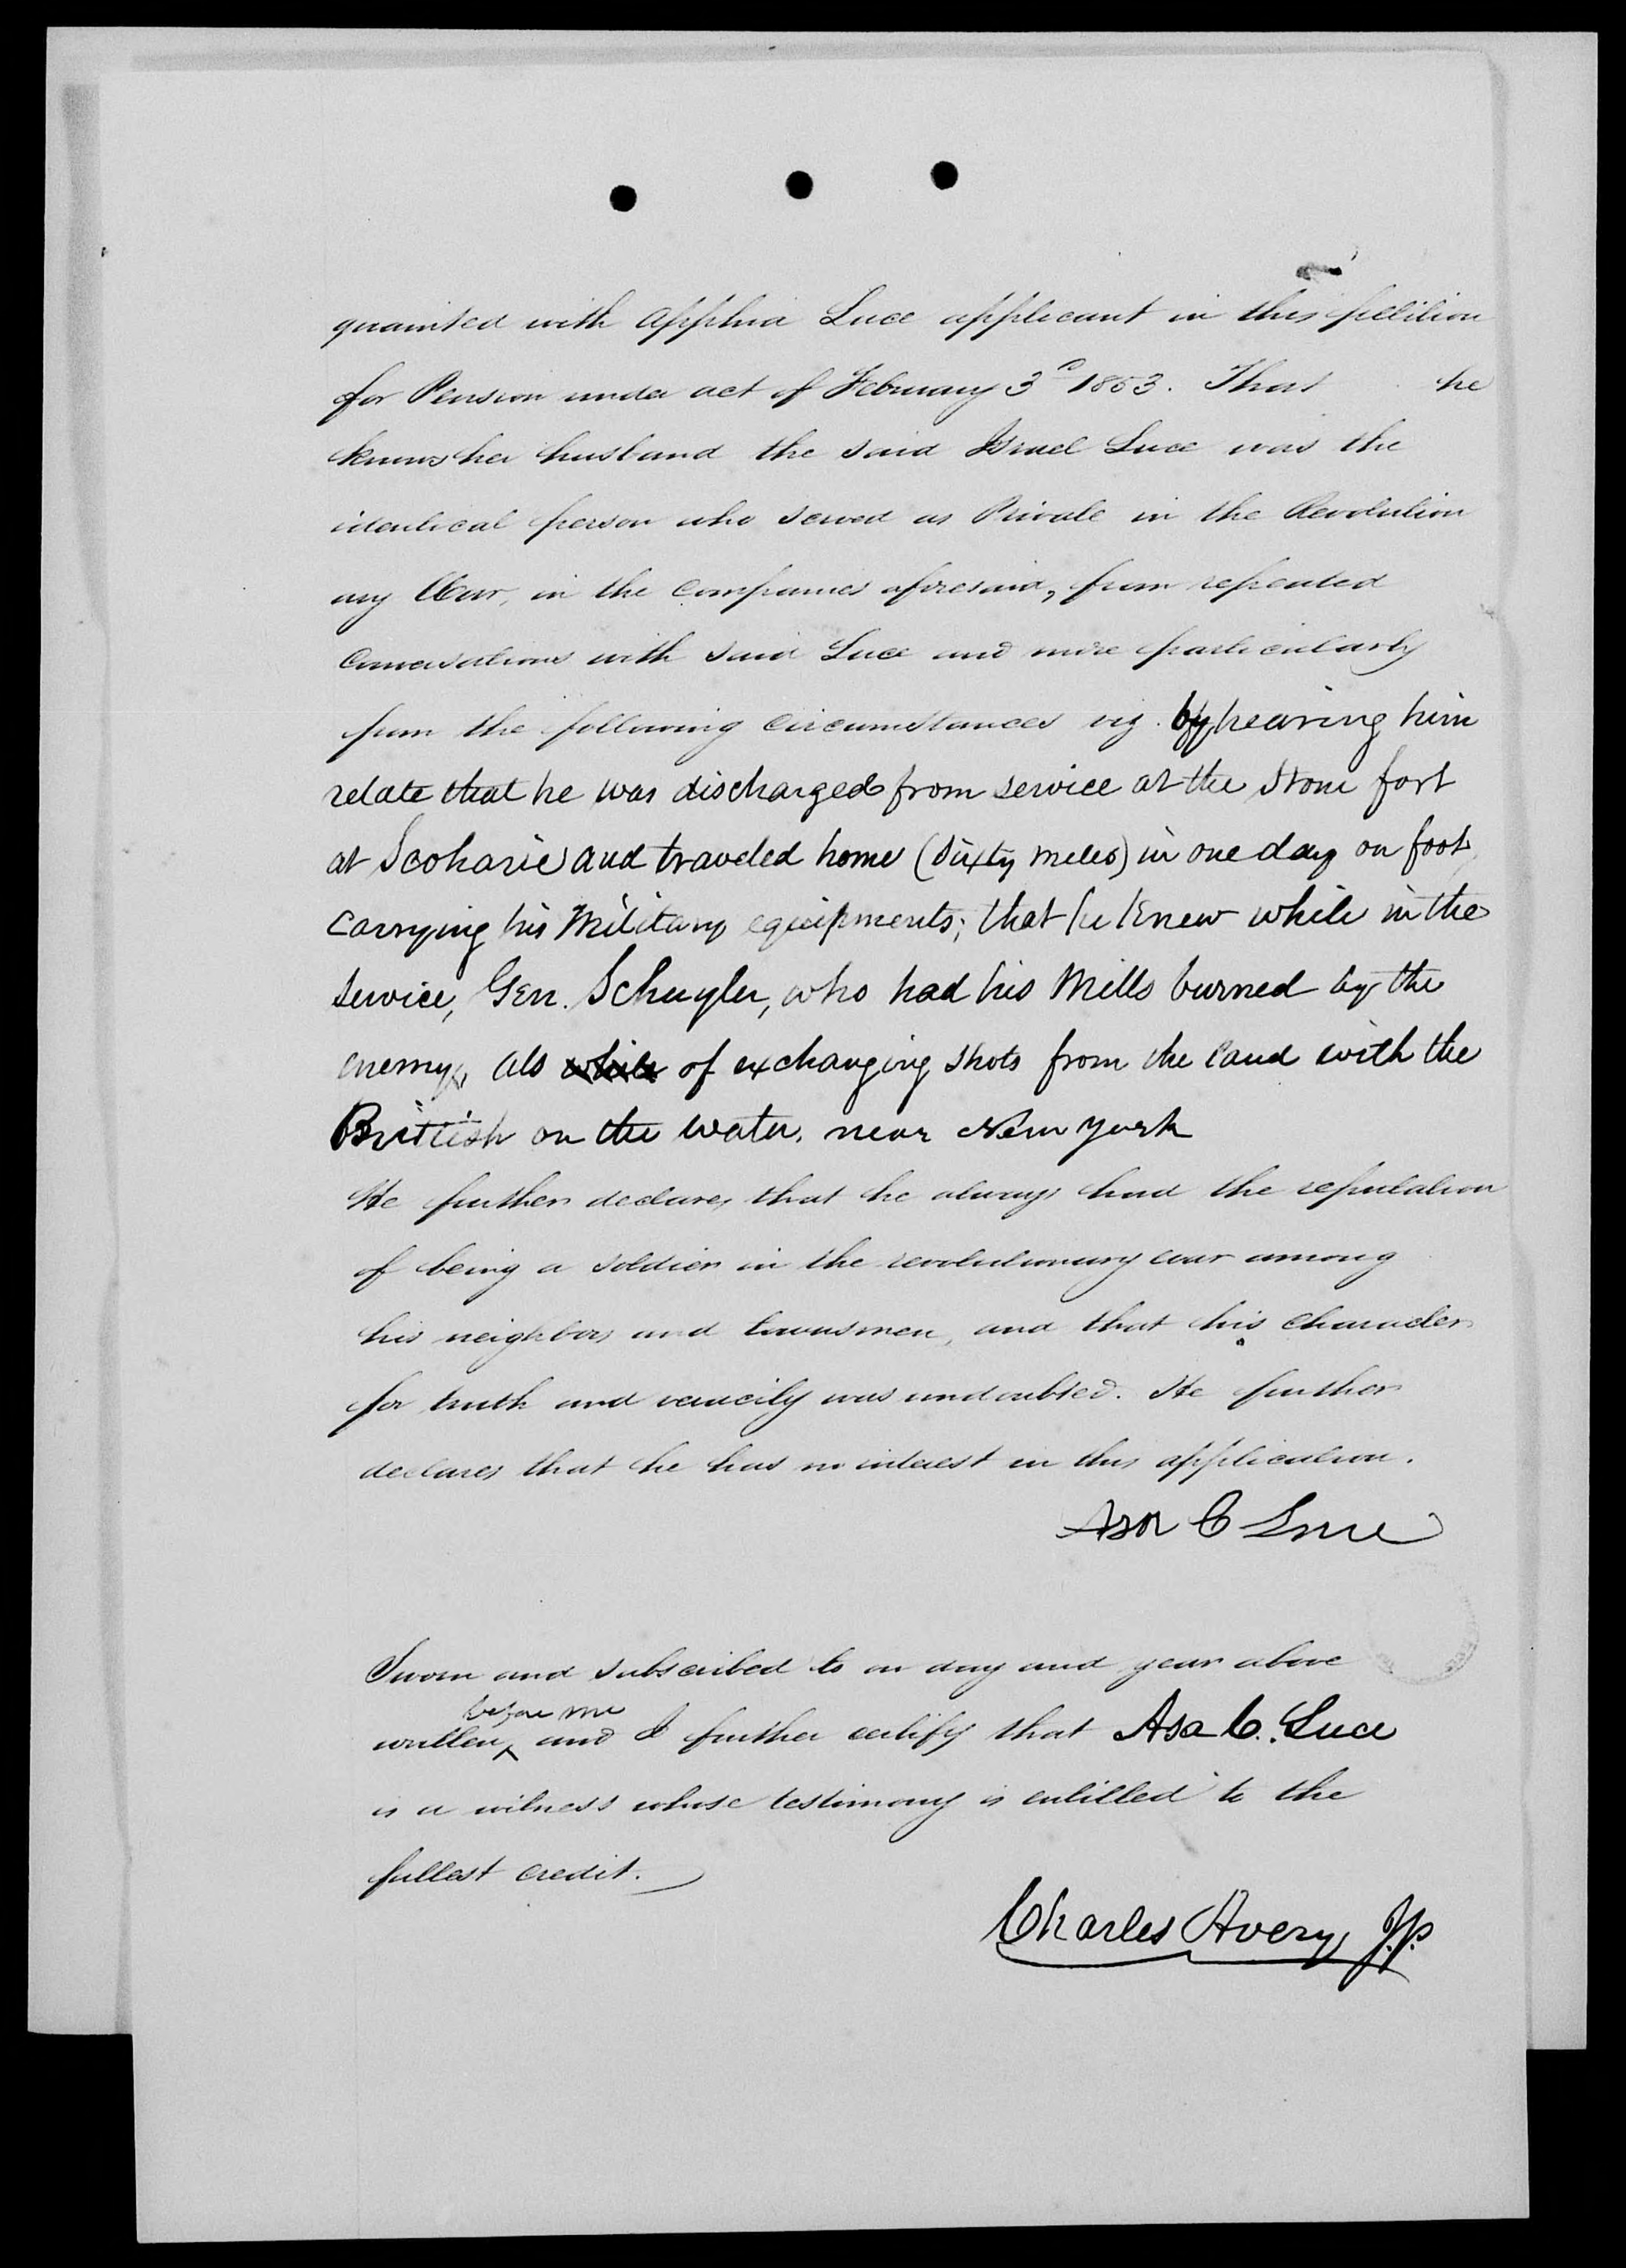quainted with Apphia Luce applicant in this application for Pension under act of February 3rd 1853.  That he knows her husband the said Israel Luce was the identical person who served as Private in the Revolutionary War, in the companies aforesaid, from repeated conversations with said Luce and more particularly from the following circumstances vis.  by hearing him relate that he was discharged from service at the Stone fort at Scoharie and traveled home (sixty miles) in one day on foot carrying his Military equipments;  that he knew while in the Service, Gen. Schuyler, who had his Mills burned by the enemy.  Also of exchanging shots from the land with the Brittish on the water, near New York

He further declares that he always had the reputation of being a soldier in the revolutionary war among his neighbors and townsmen, and that his character for truth and veracity were undoubted.  He further declares that he has no interest in the application.

[signed]
Asa C Luce

Sworn and subscribed to on day and year above written before me and I further certify that Asa C. Luce is a witness whose testimony is entitled to the fullest credit.

[signed] Charles Avery J.P.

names: Charles Avery; [BLANK] Schuyler; Apphia Luce; Israel Luce; Asa C Luce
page: 7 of 70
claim: rejected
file: R. 6510, for Israel Luce, New York